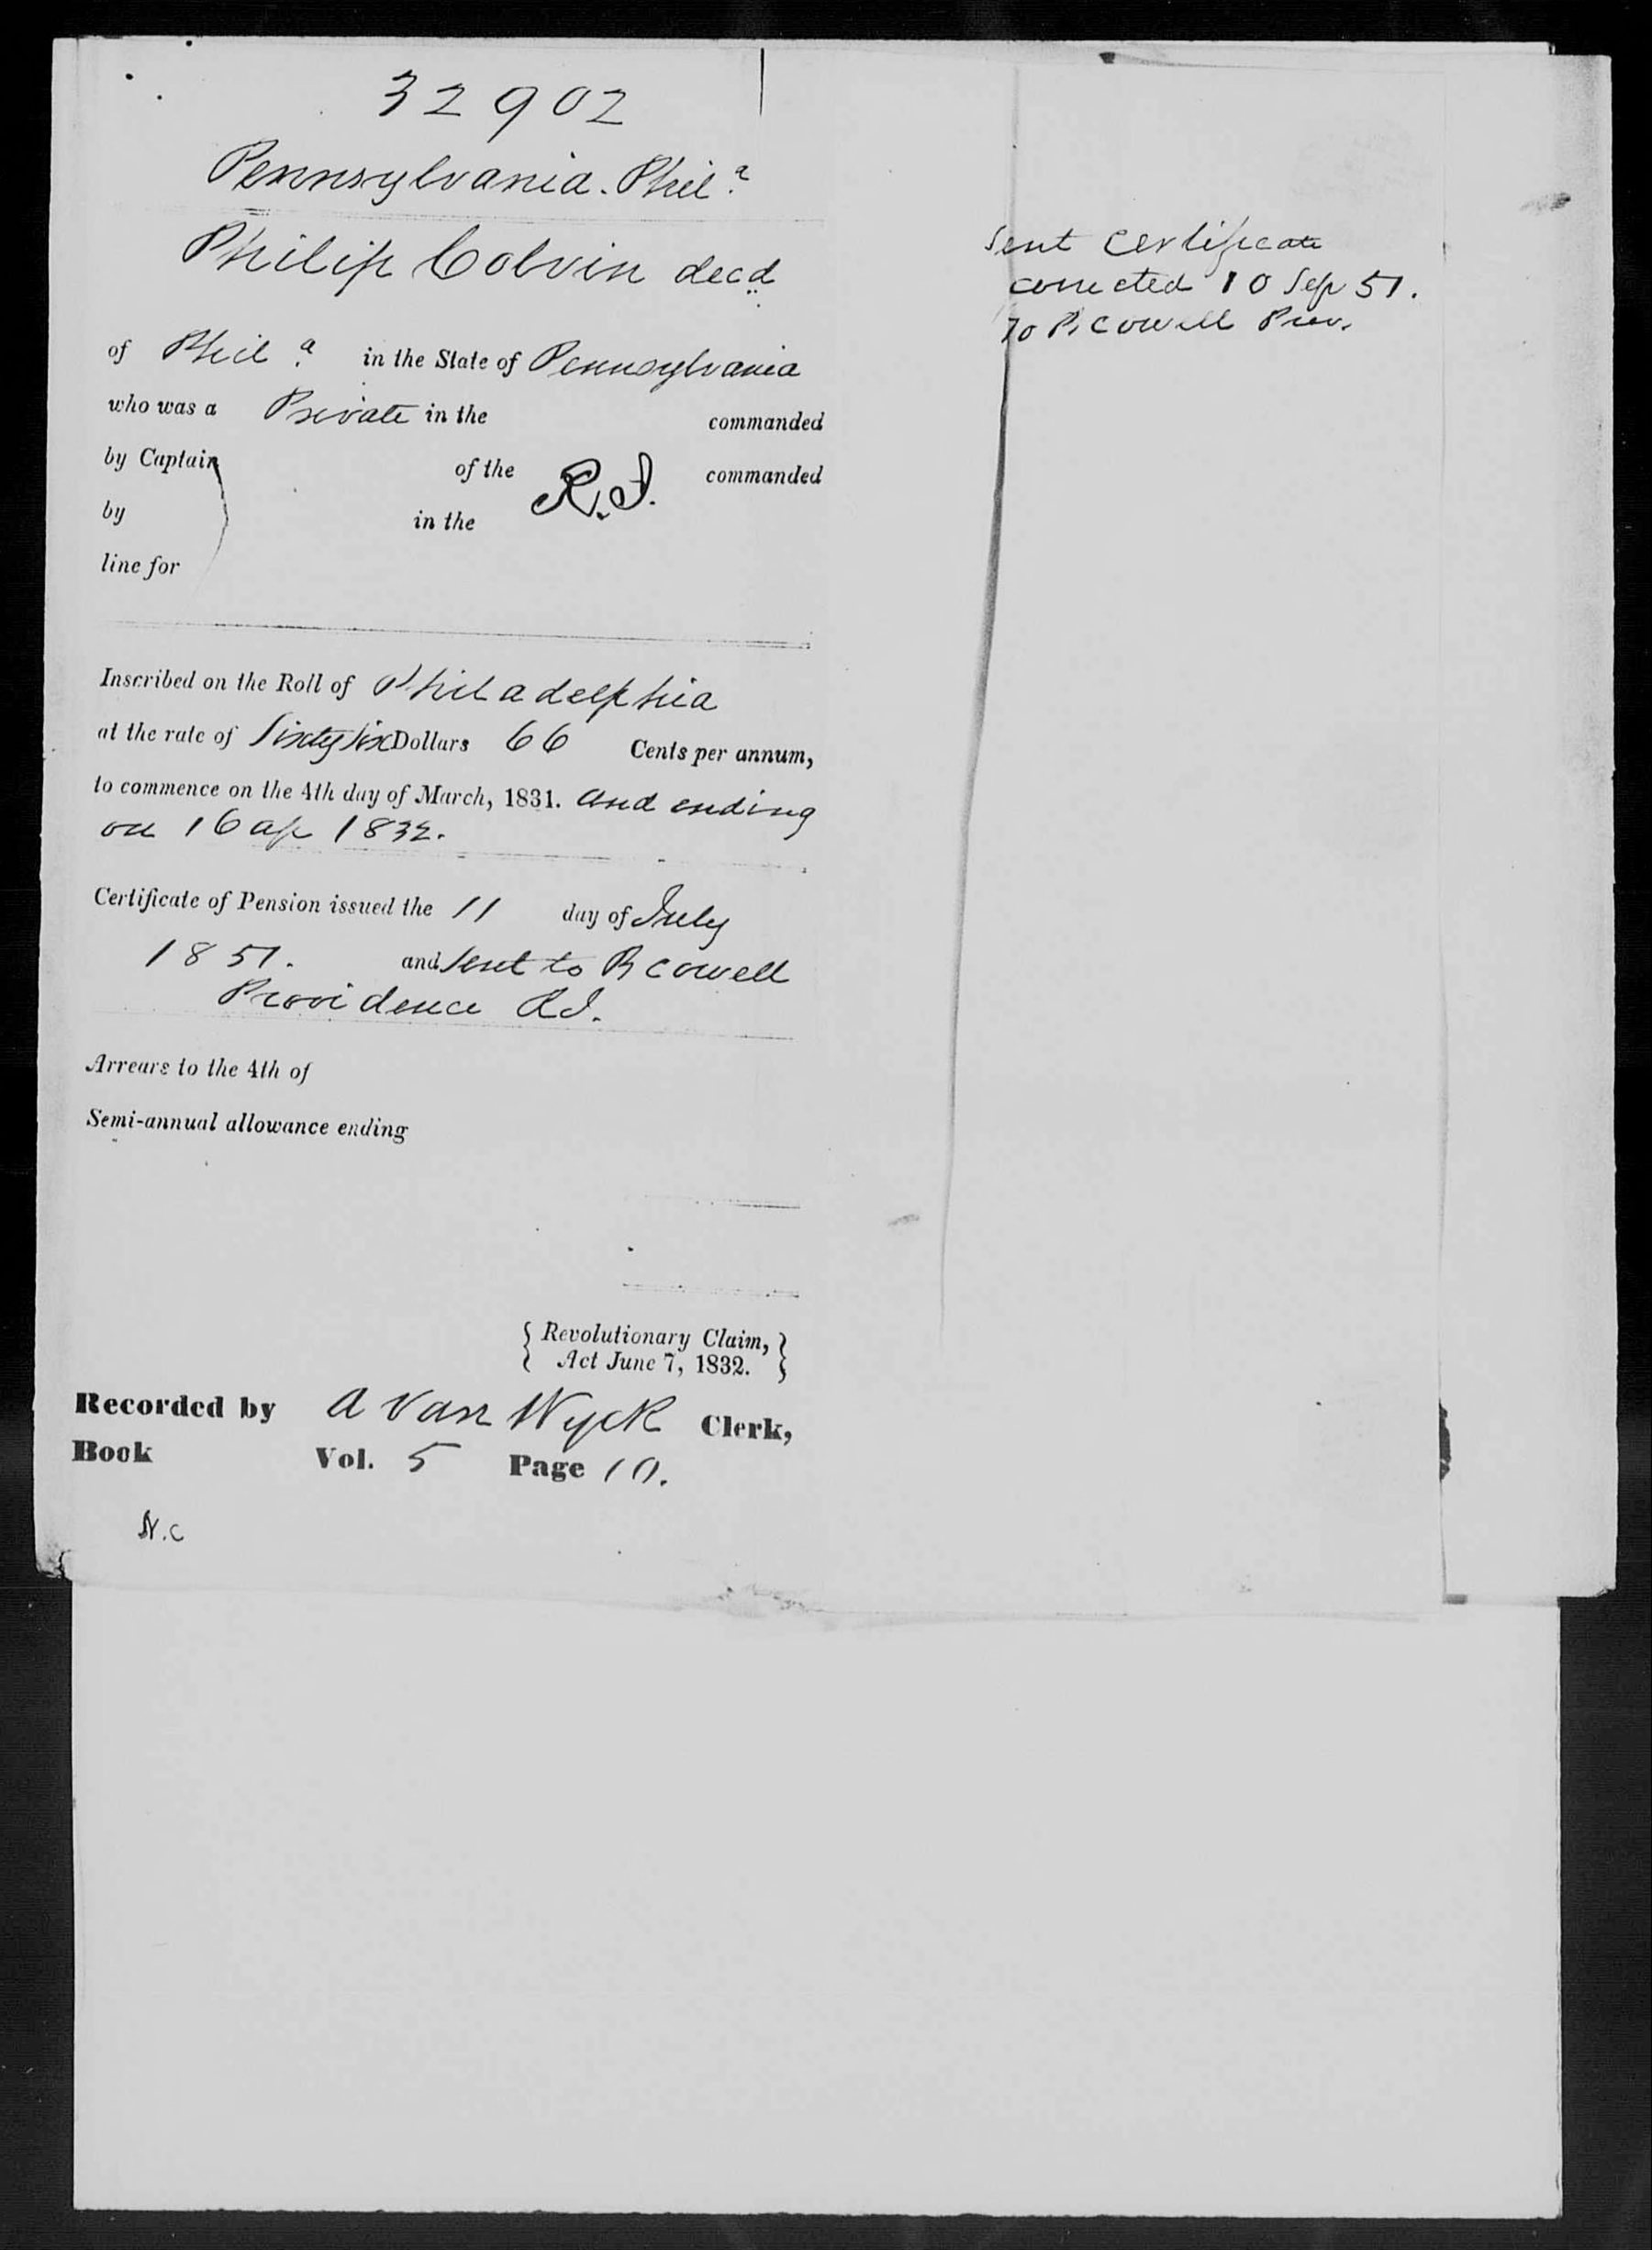32902
Pennsylvania Phila.
Philip Colvin decd of Phila. in the State of Pennsylvania who was a private in the _____ commanded by Captain ____ of the R.I. commanded by ____ in the ____ line for ____

Inscribed on the Roll of Philadelphia at the rate of sixty six Dollars 66 Cents per annum, to commence on the 4th day of March, 1831 and ending on 16 Ap 1832.

Certificate of Pension issued the 11 day of July 1851 and sent to B Cowell Providence R.I.

Arrears to the 4th of
Semi-annual allowance ending

{Revolutionary Claim, Act June 7, 1832.}

Recorded by A. Van Wyck Clerk,
Book __ Vol. 5 Page 10.
N.C.

Sent certificate corrected 10 Sep 51 to B. Cowell Prev.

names: A Van Wyck, Philip Colvin, B Cowell, B Cowell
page: 2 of 41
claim: widow's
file: W. 3513, Philip Colvin, R.I.